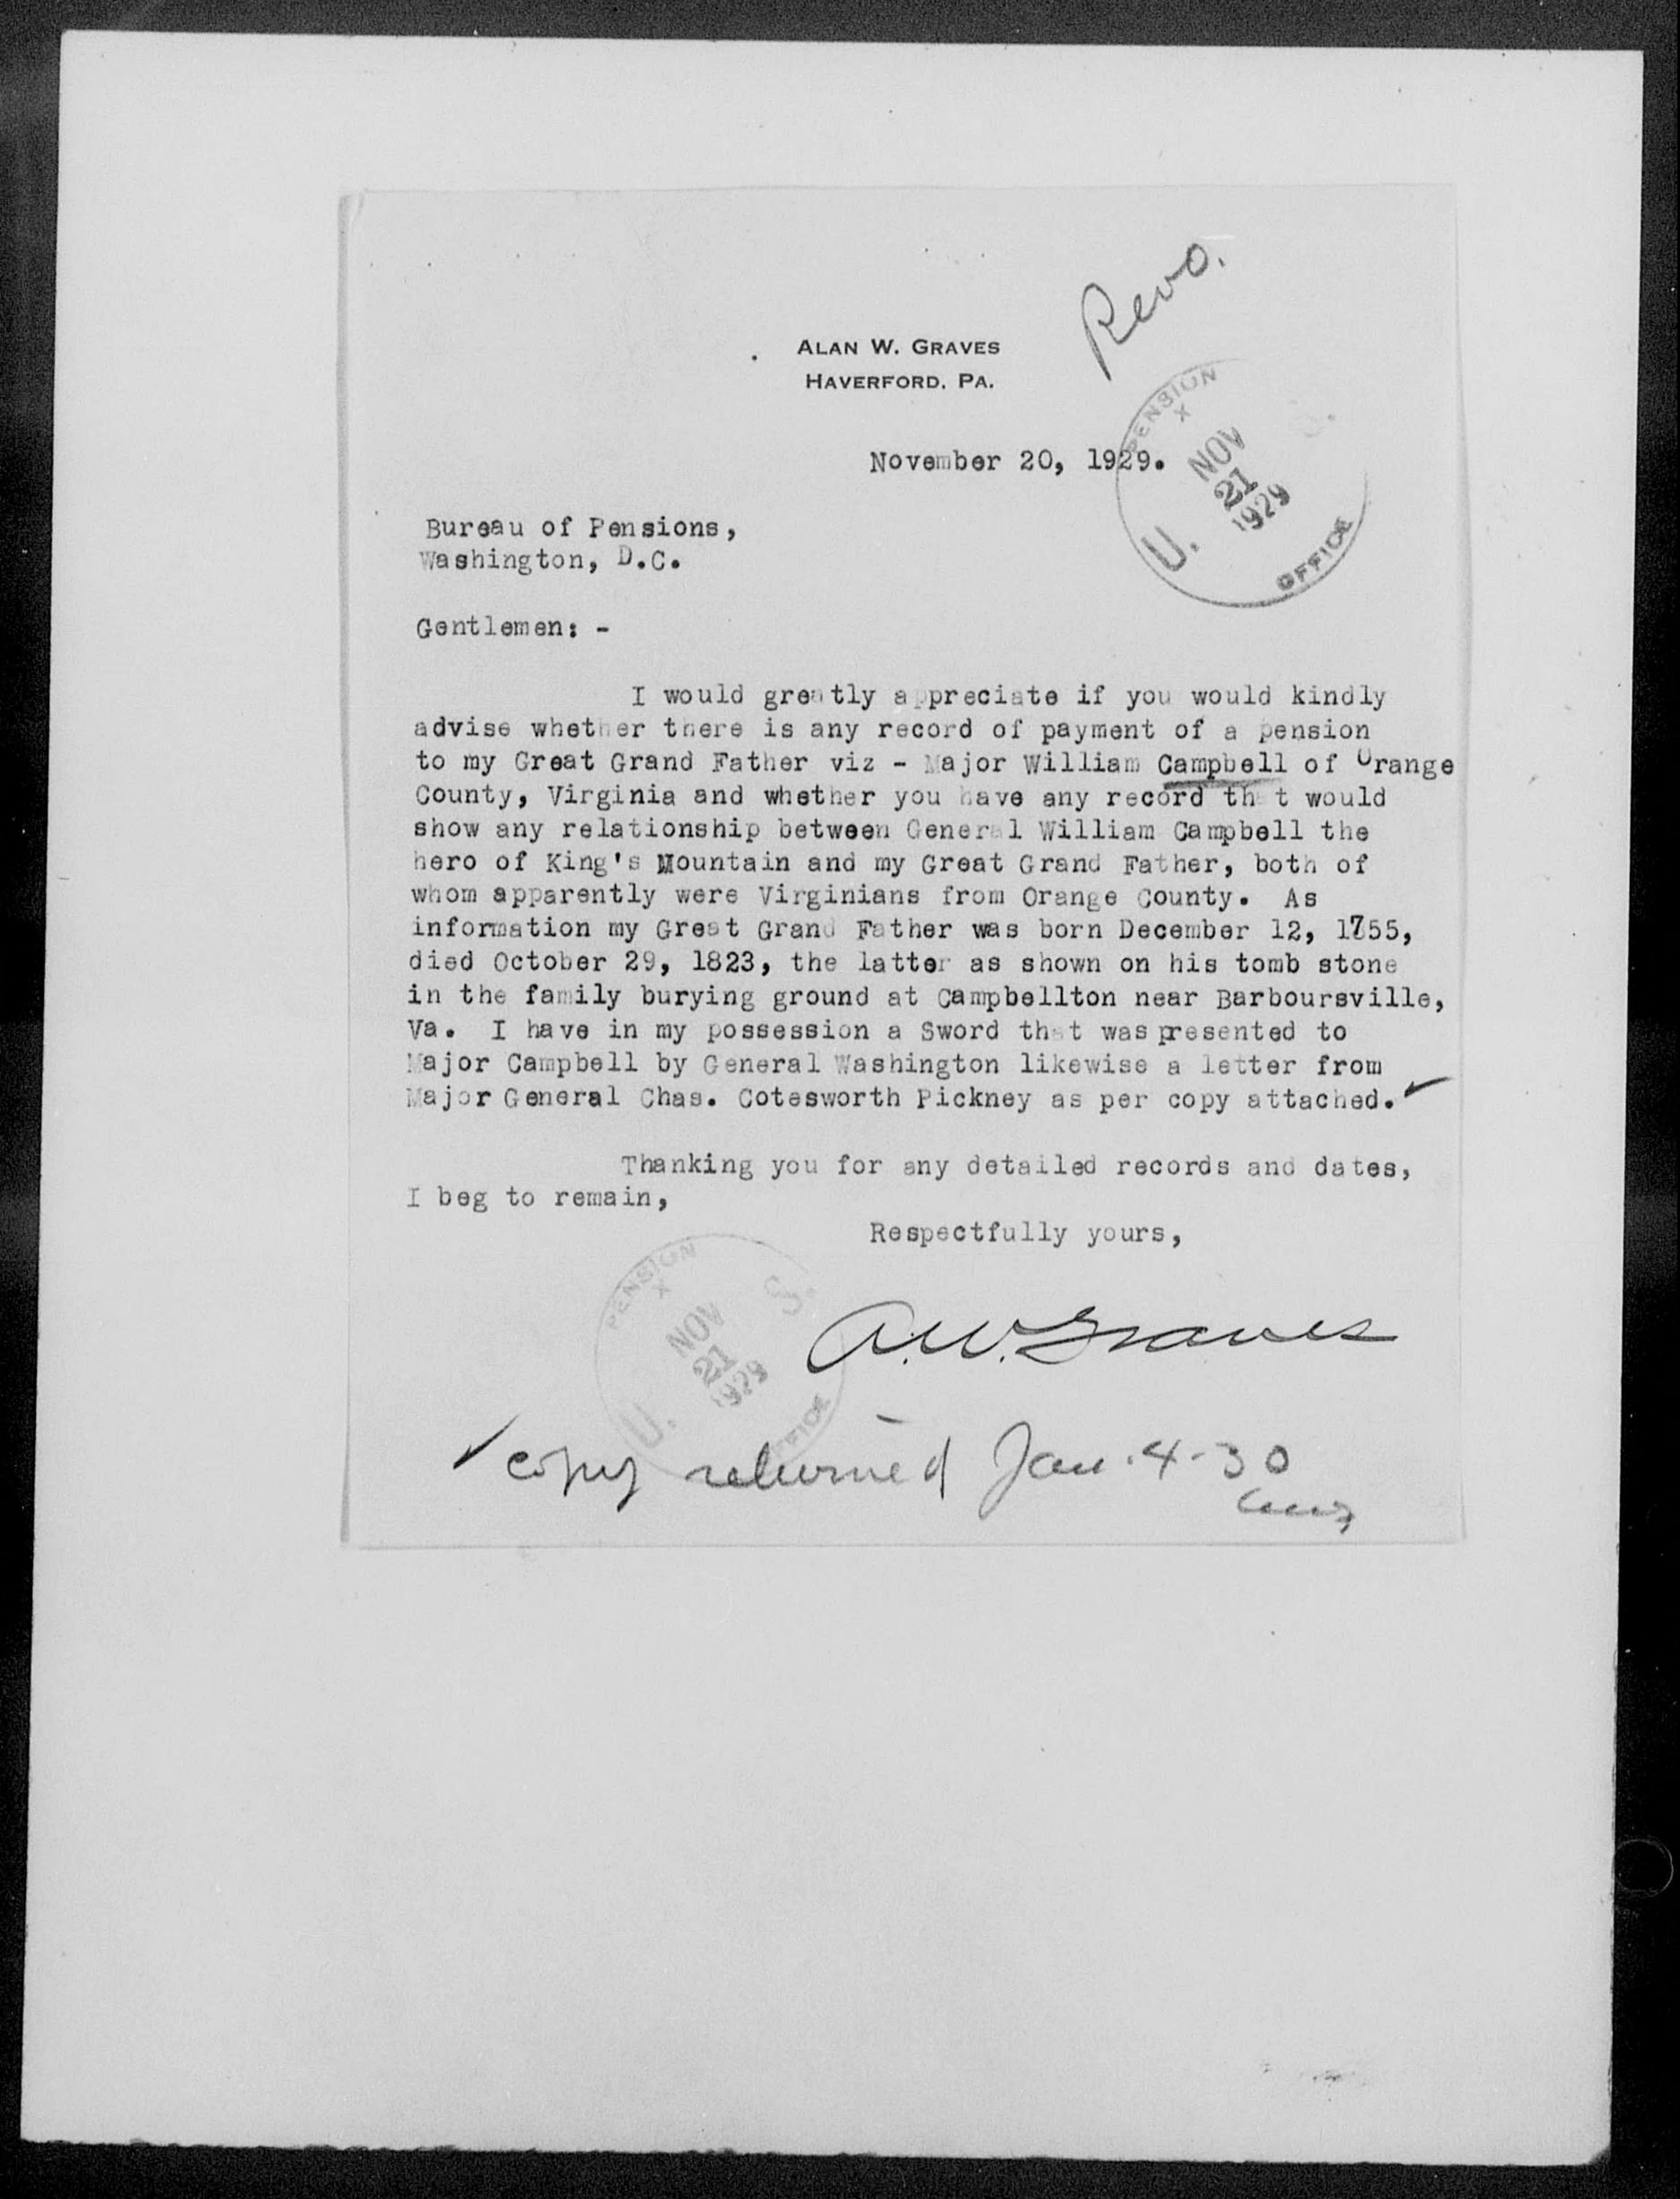Revo.
ALAN W. GRAVES
HAVERFORD, PA.

[stamp]
PENSION
X
NOV
U. 21 S.
1929
OFFICE

[body]
November 20, 1929.
Bureau of Pensions,
Washington, D.C.

Gentlemen:-

I would greatly appreciate if you would kindly advise whether there is any record of payment of a pension to my Great Grand Father viz - Major William Campbell of Orange County, Virginia and whether you have any record that would show any relationship between General William Campbell the hero of King's Mountain and my Great Grand Father, both of whom apparently were Virginians from Orange County. As information my Great Grand Father was born December 12, 1755, died October 29, 1823, the latter as shown on his tomb stone in the family burying ground at Campbellton near Barboursville, Va. I have in my possession a Sword that was presented to Major Campbell by General Washington likewise a letter from Major General Chas. Cotesworth Pickney as per copy attached.

Thanking you for any detailed records and dates, I beg to remain,
Respectfully yours,
[signed] A. W. Graves

[note: Copy returned Jan. 4 - 30 AWF]

[stamp]
PENSION
X
NOV
U. 21 S.
1929
OFFICE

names: Alan W Graves, Washington, A W Graves, William Campbell, Campbell, William Campbell, Chas Cotesworth Pickney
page: 155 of 267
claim: widow's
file: W. 4,149, William Campbell, Va.